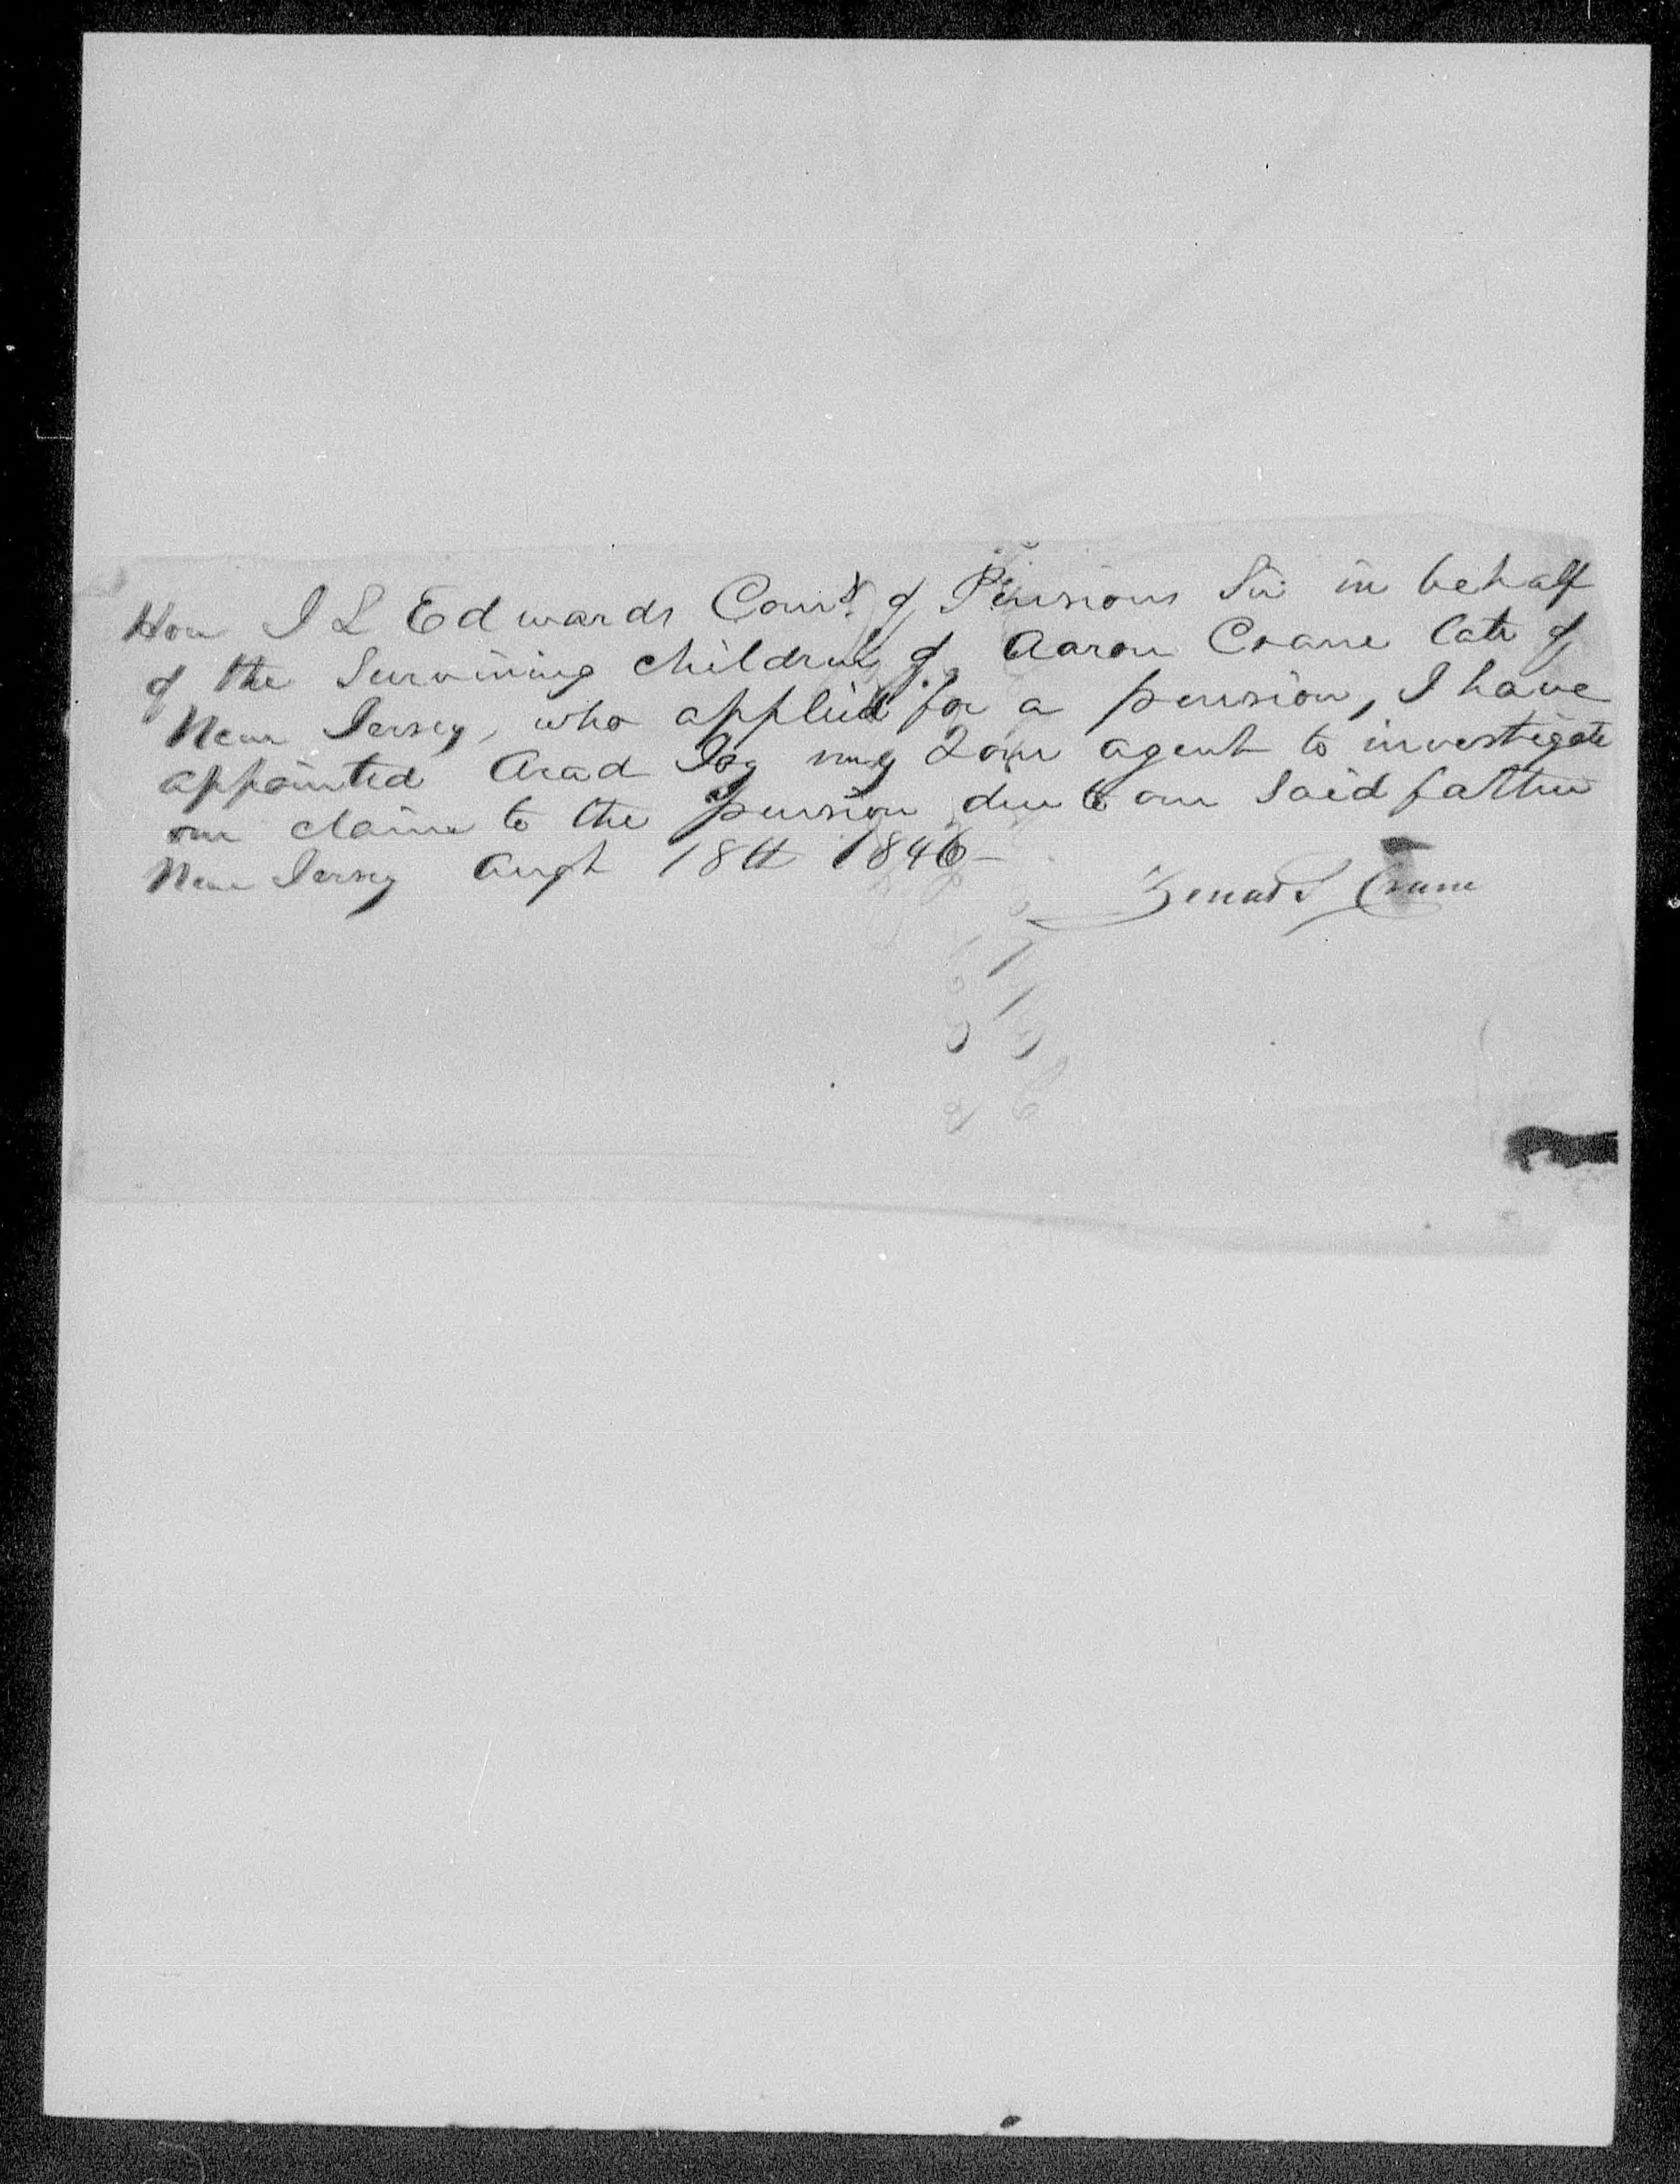Hon J L Edwards     Comd of Pensions    Sir   in behalf

of the surviving children of Aaron Crane late of 

New Jersey, who applied for a pension,  I have 

appointed Arad Joy my ? agent to investigate

our claim to the pension due to our said father

New Jersey  Augt 18th 1846

                                                   Zenas Crane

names: Arad Joy, Aaron Crane, J L Edwards, Zenas S Crane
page: 16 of 32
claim: rejected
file: R. 2441, Aaron Crane, New Jersey